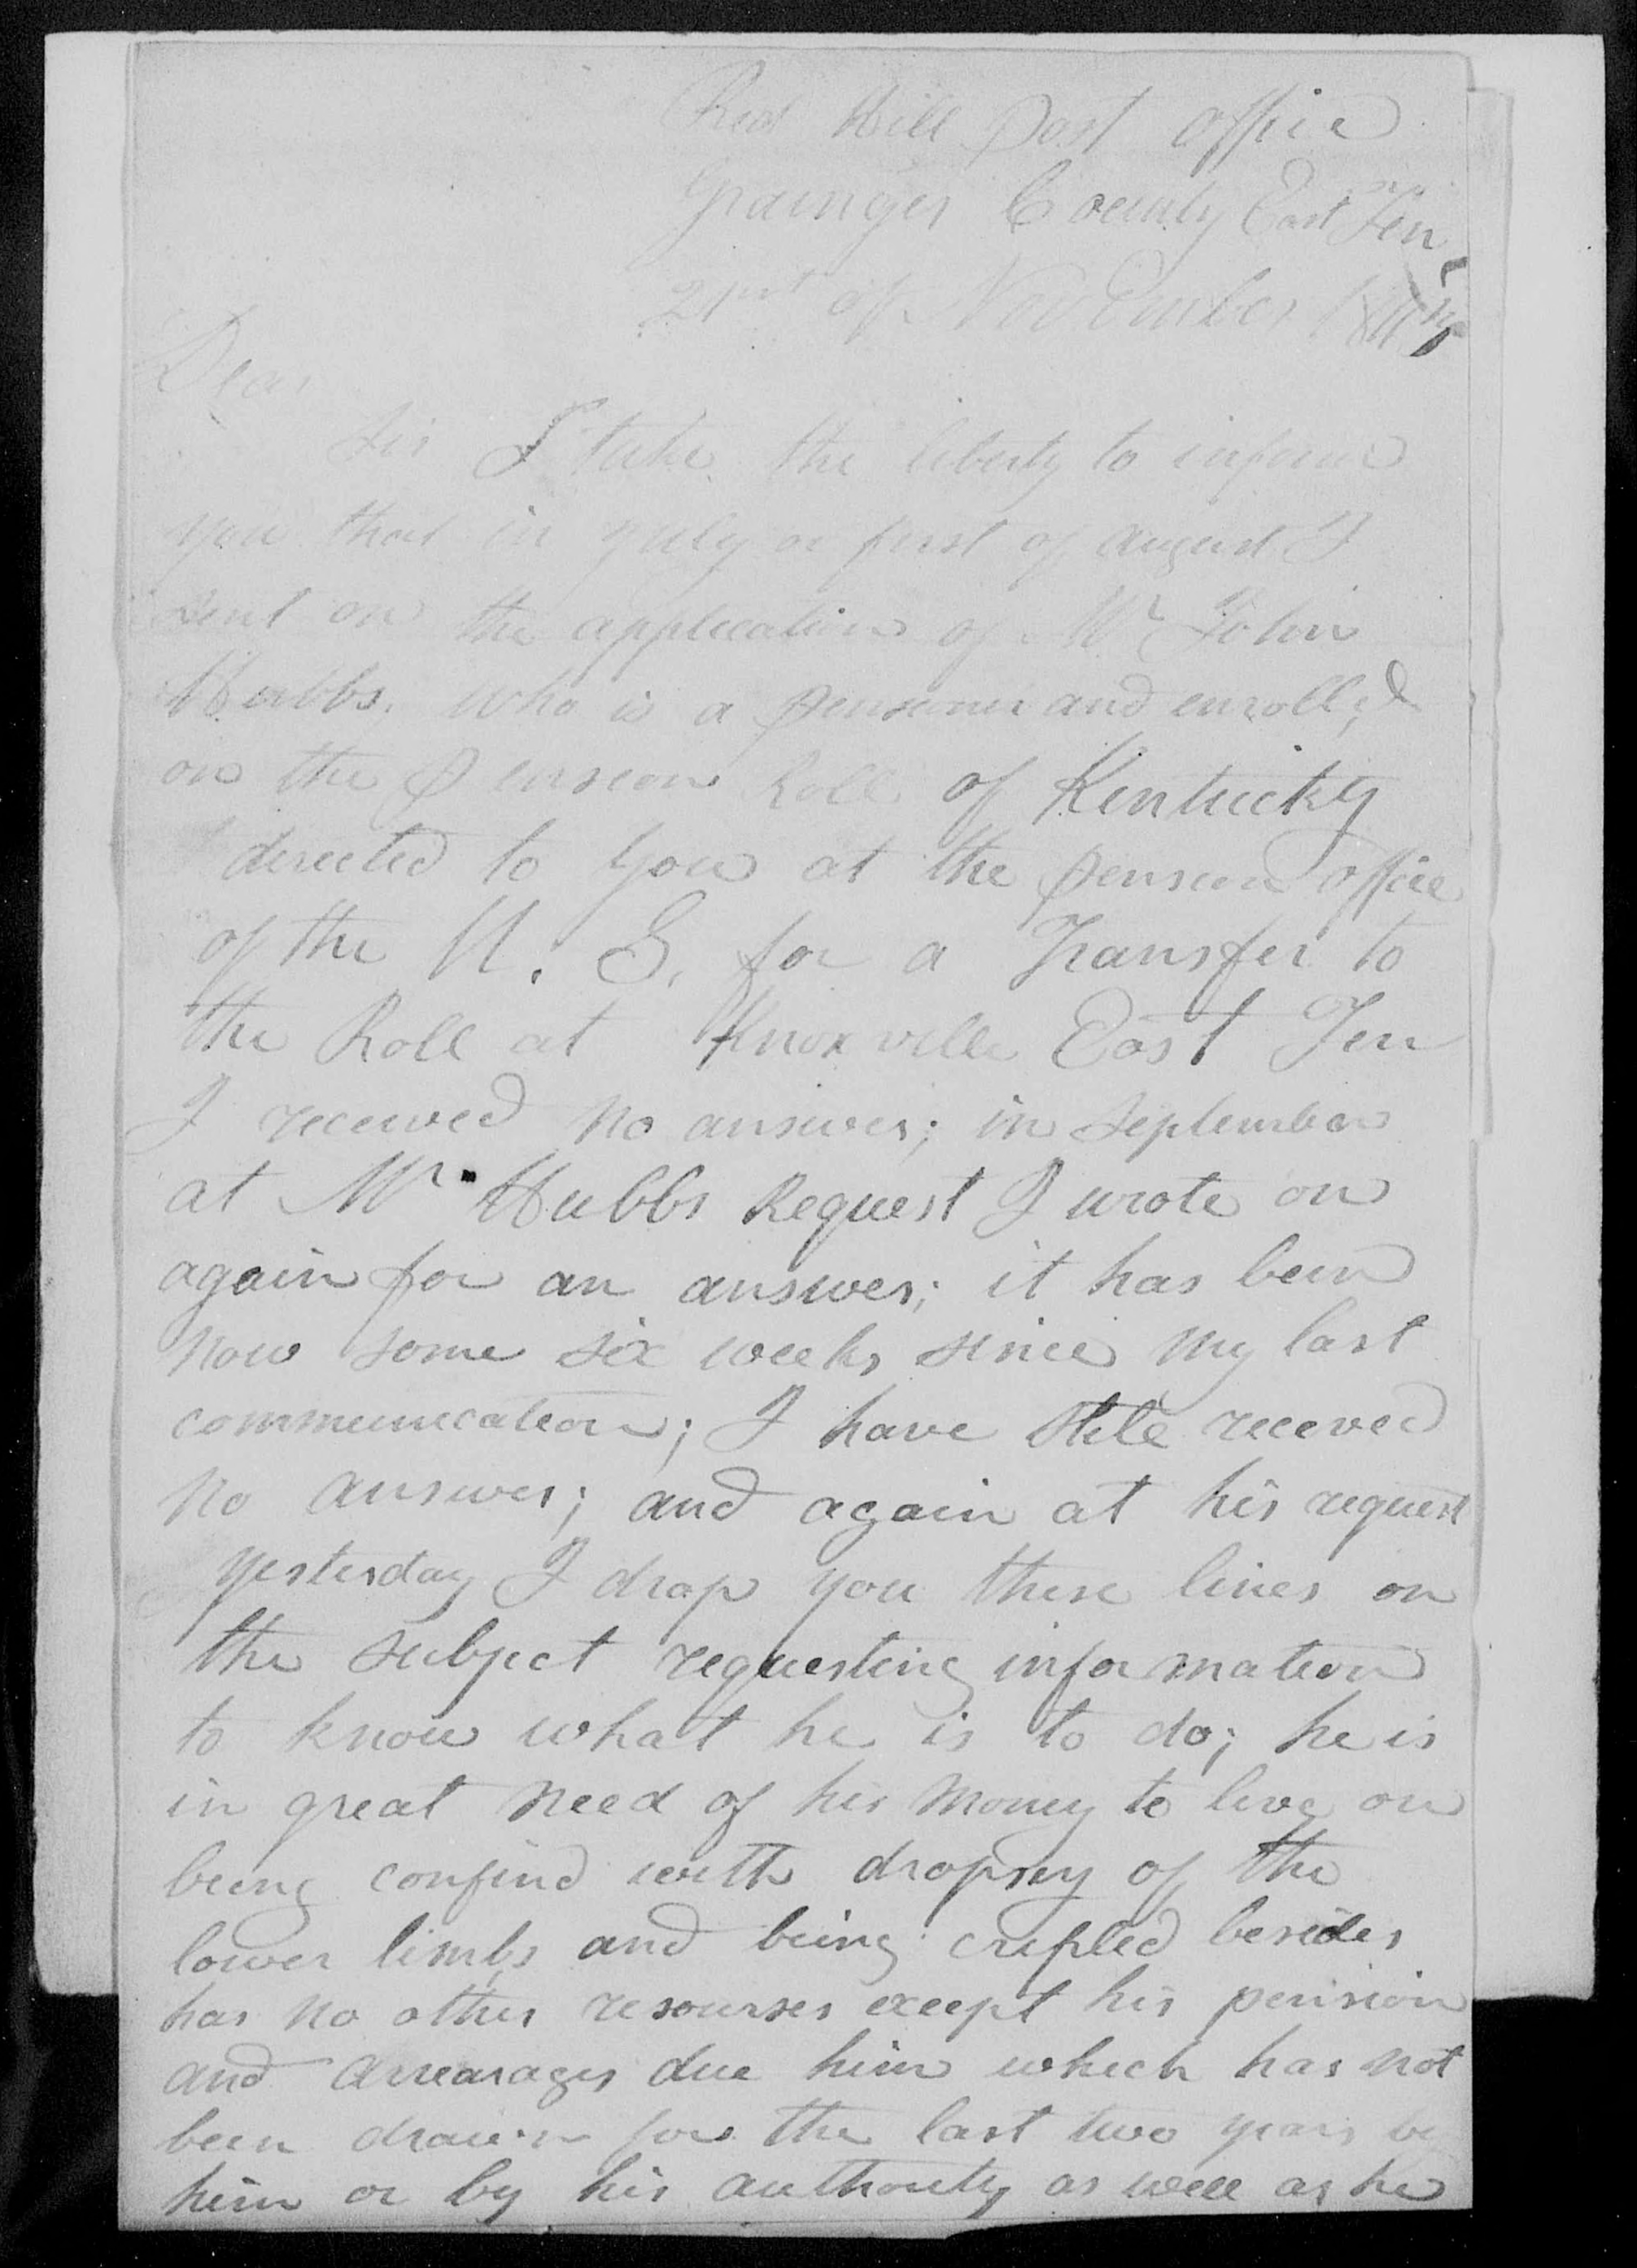Red Hill Post Office
Grainger County East Ten
21st of November 1843
Dear Sir,
I take the liberty to inform you that in July or first of August I sent on the application of Mr John
Hubbs, who is a pensioner and enrolled on the pension roll of Kentucky directed to go at the Pension office of the U. S. for a Transfer to
the Roll at Knoxville East Ten I received no answer in September at Mr Hubbs request I wrote on again for an answer; it has been
now some six weeks since my last communication; I have still received no answer;
and again at his request yesterday I drop you these lines on the subject requesting information
to know what he is to do; he is in great need of his money to live on being confind with dropsey of the lower limbs and being cripled besides has no other resources except his pension and arrearages due him which has not been drawn for the last two years by him or by his authority as well as he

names: John Hubbs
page: 52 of 86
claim: widow's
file: W. 1035, John Hubbs, S.C.